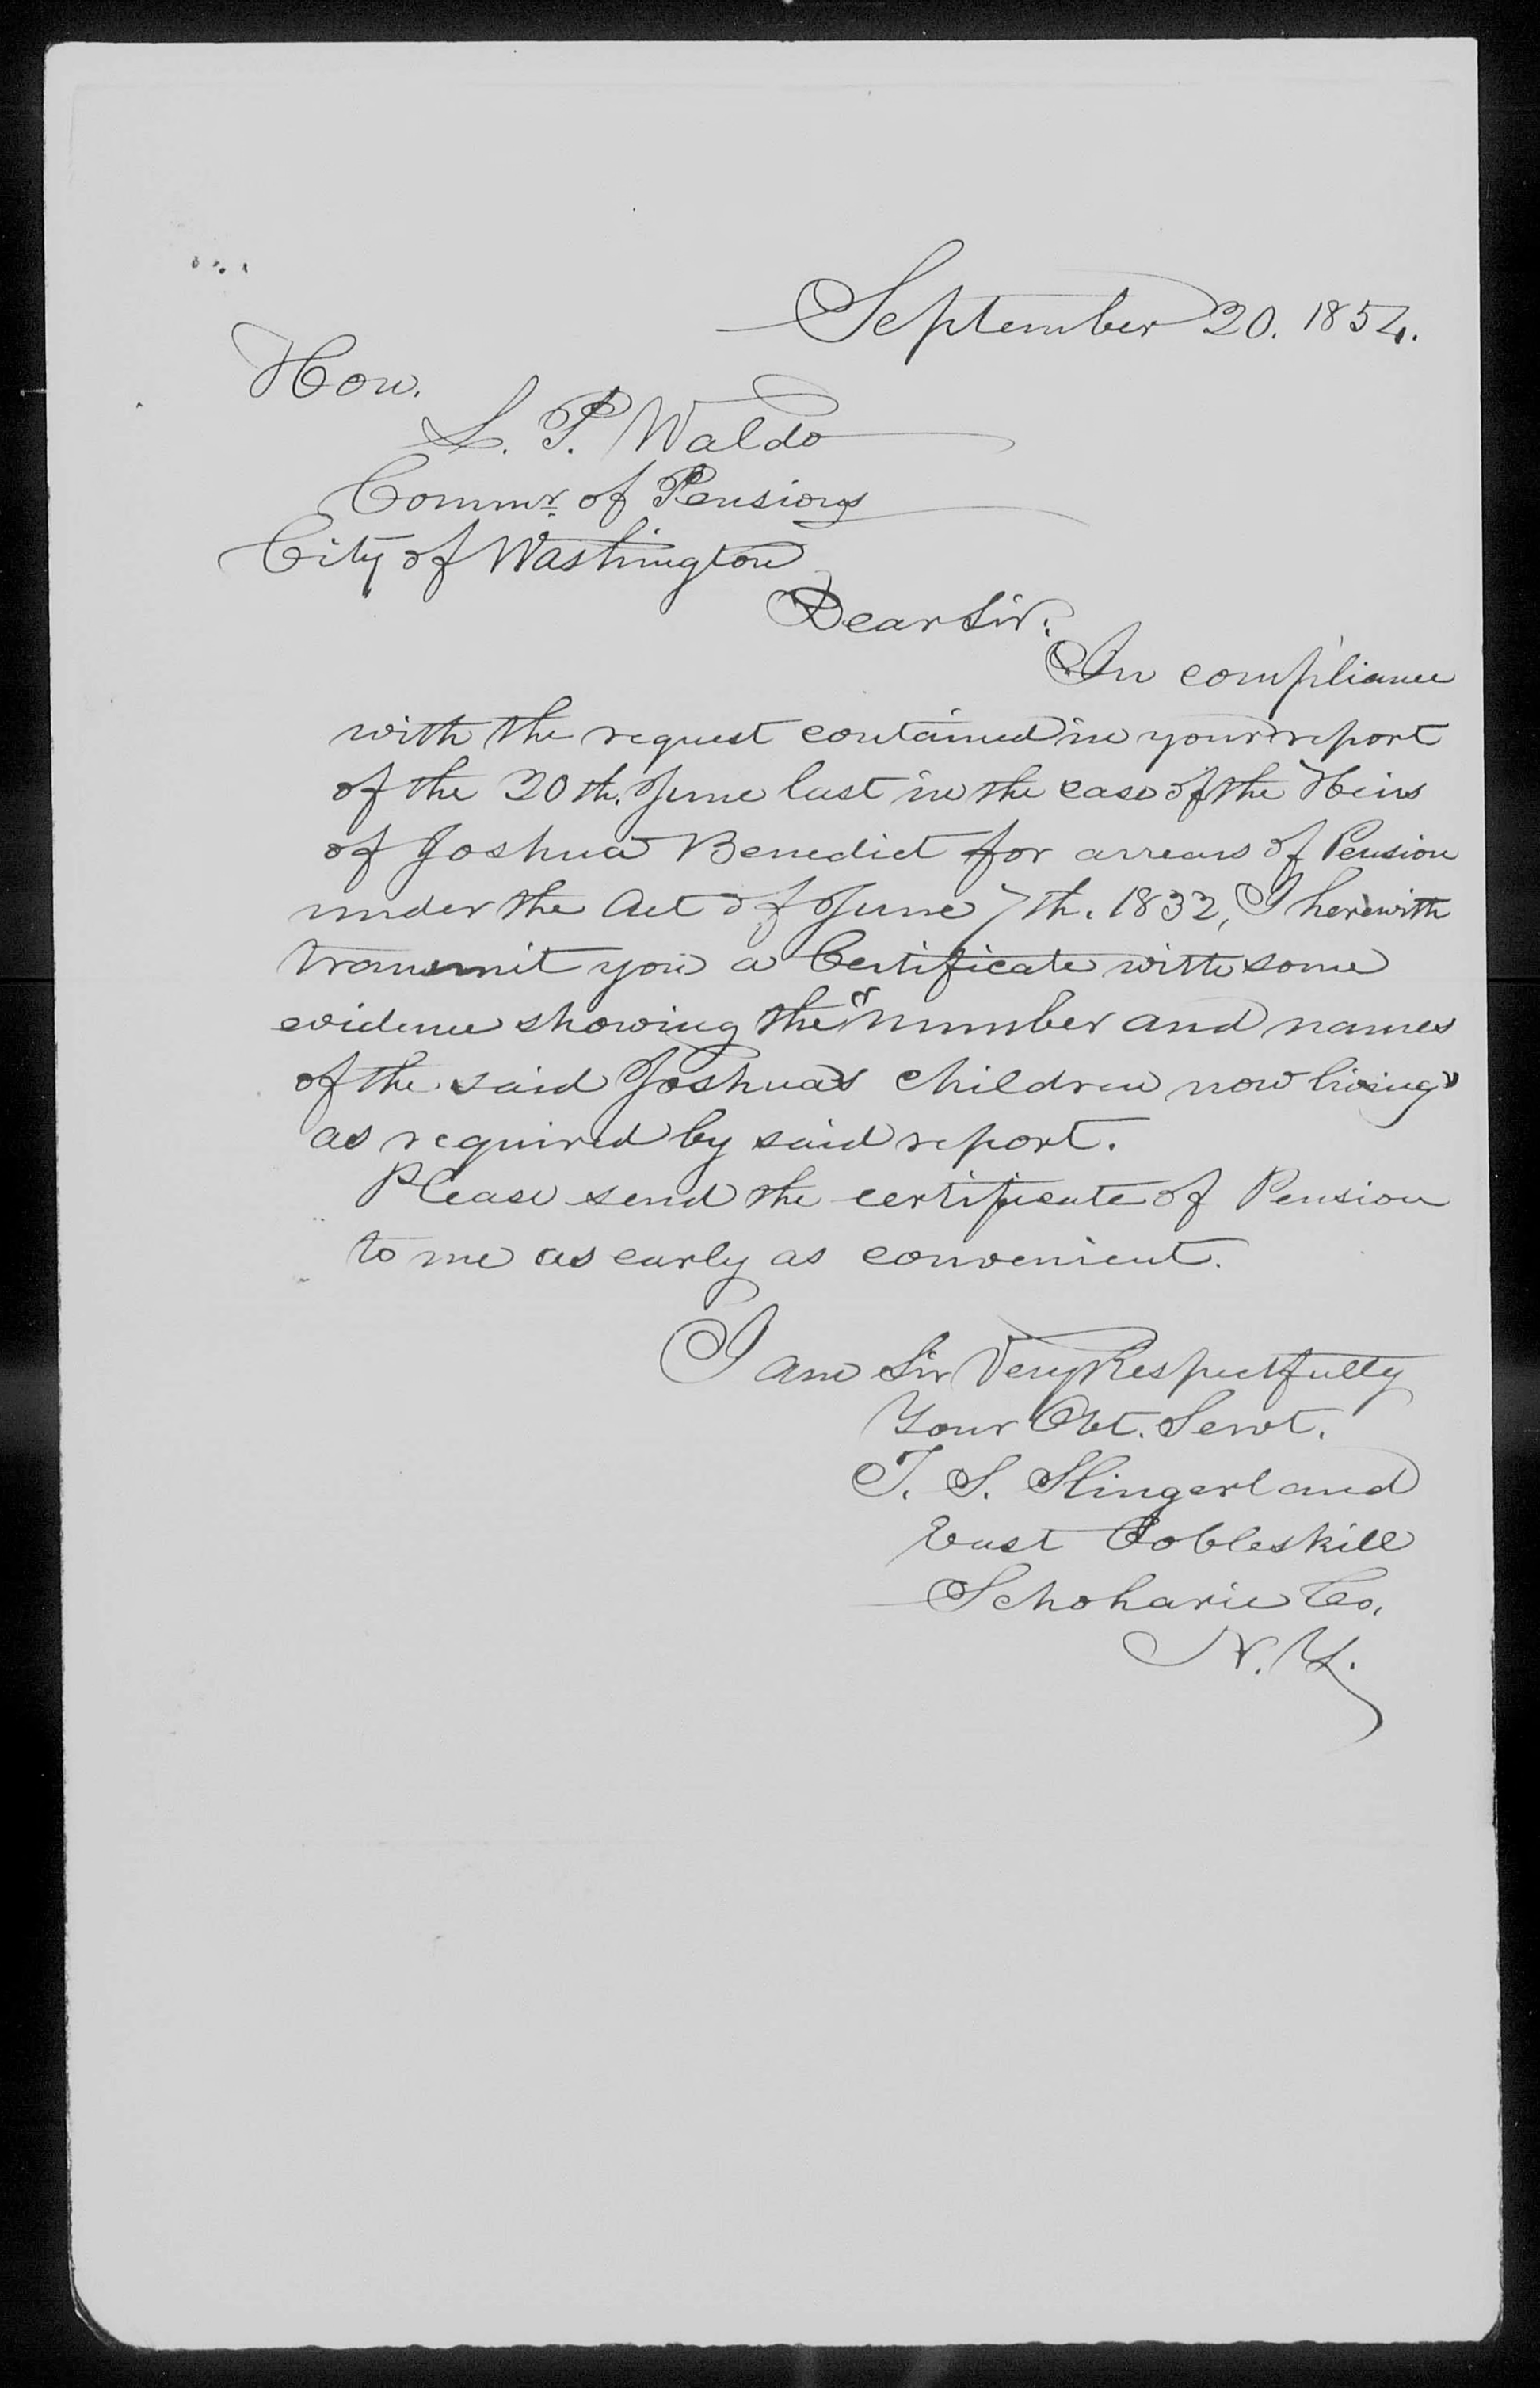September 20. 1854

Hon.
L. P. Waldo
Commr. of Pensions
City of Washington

Dear Sir:
In compliance with the request contained in your report of the 20th. June last in the case of the Heirs of Joshua Benedict for arrears of Pension under the Act of June 7th. 1832, I herewith transmit you a Certificate with some evidence showing the "number and names of the said Joshua's children now living" as required by said report.
Please send the certificate of Pension to me as early as convenient.

I am Sir Very Respectfully
Your Obt. Servt.
T. S. Slingerland
East Cobleskill
Schoharie Co.
N.Y.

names: Joshua Benedict, Joshua, L P Waldo, T S Slingerland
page: 99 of 106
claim: survivor's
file: S 23,116., Joshua Benedict, Conn.